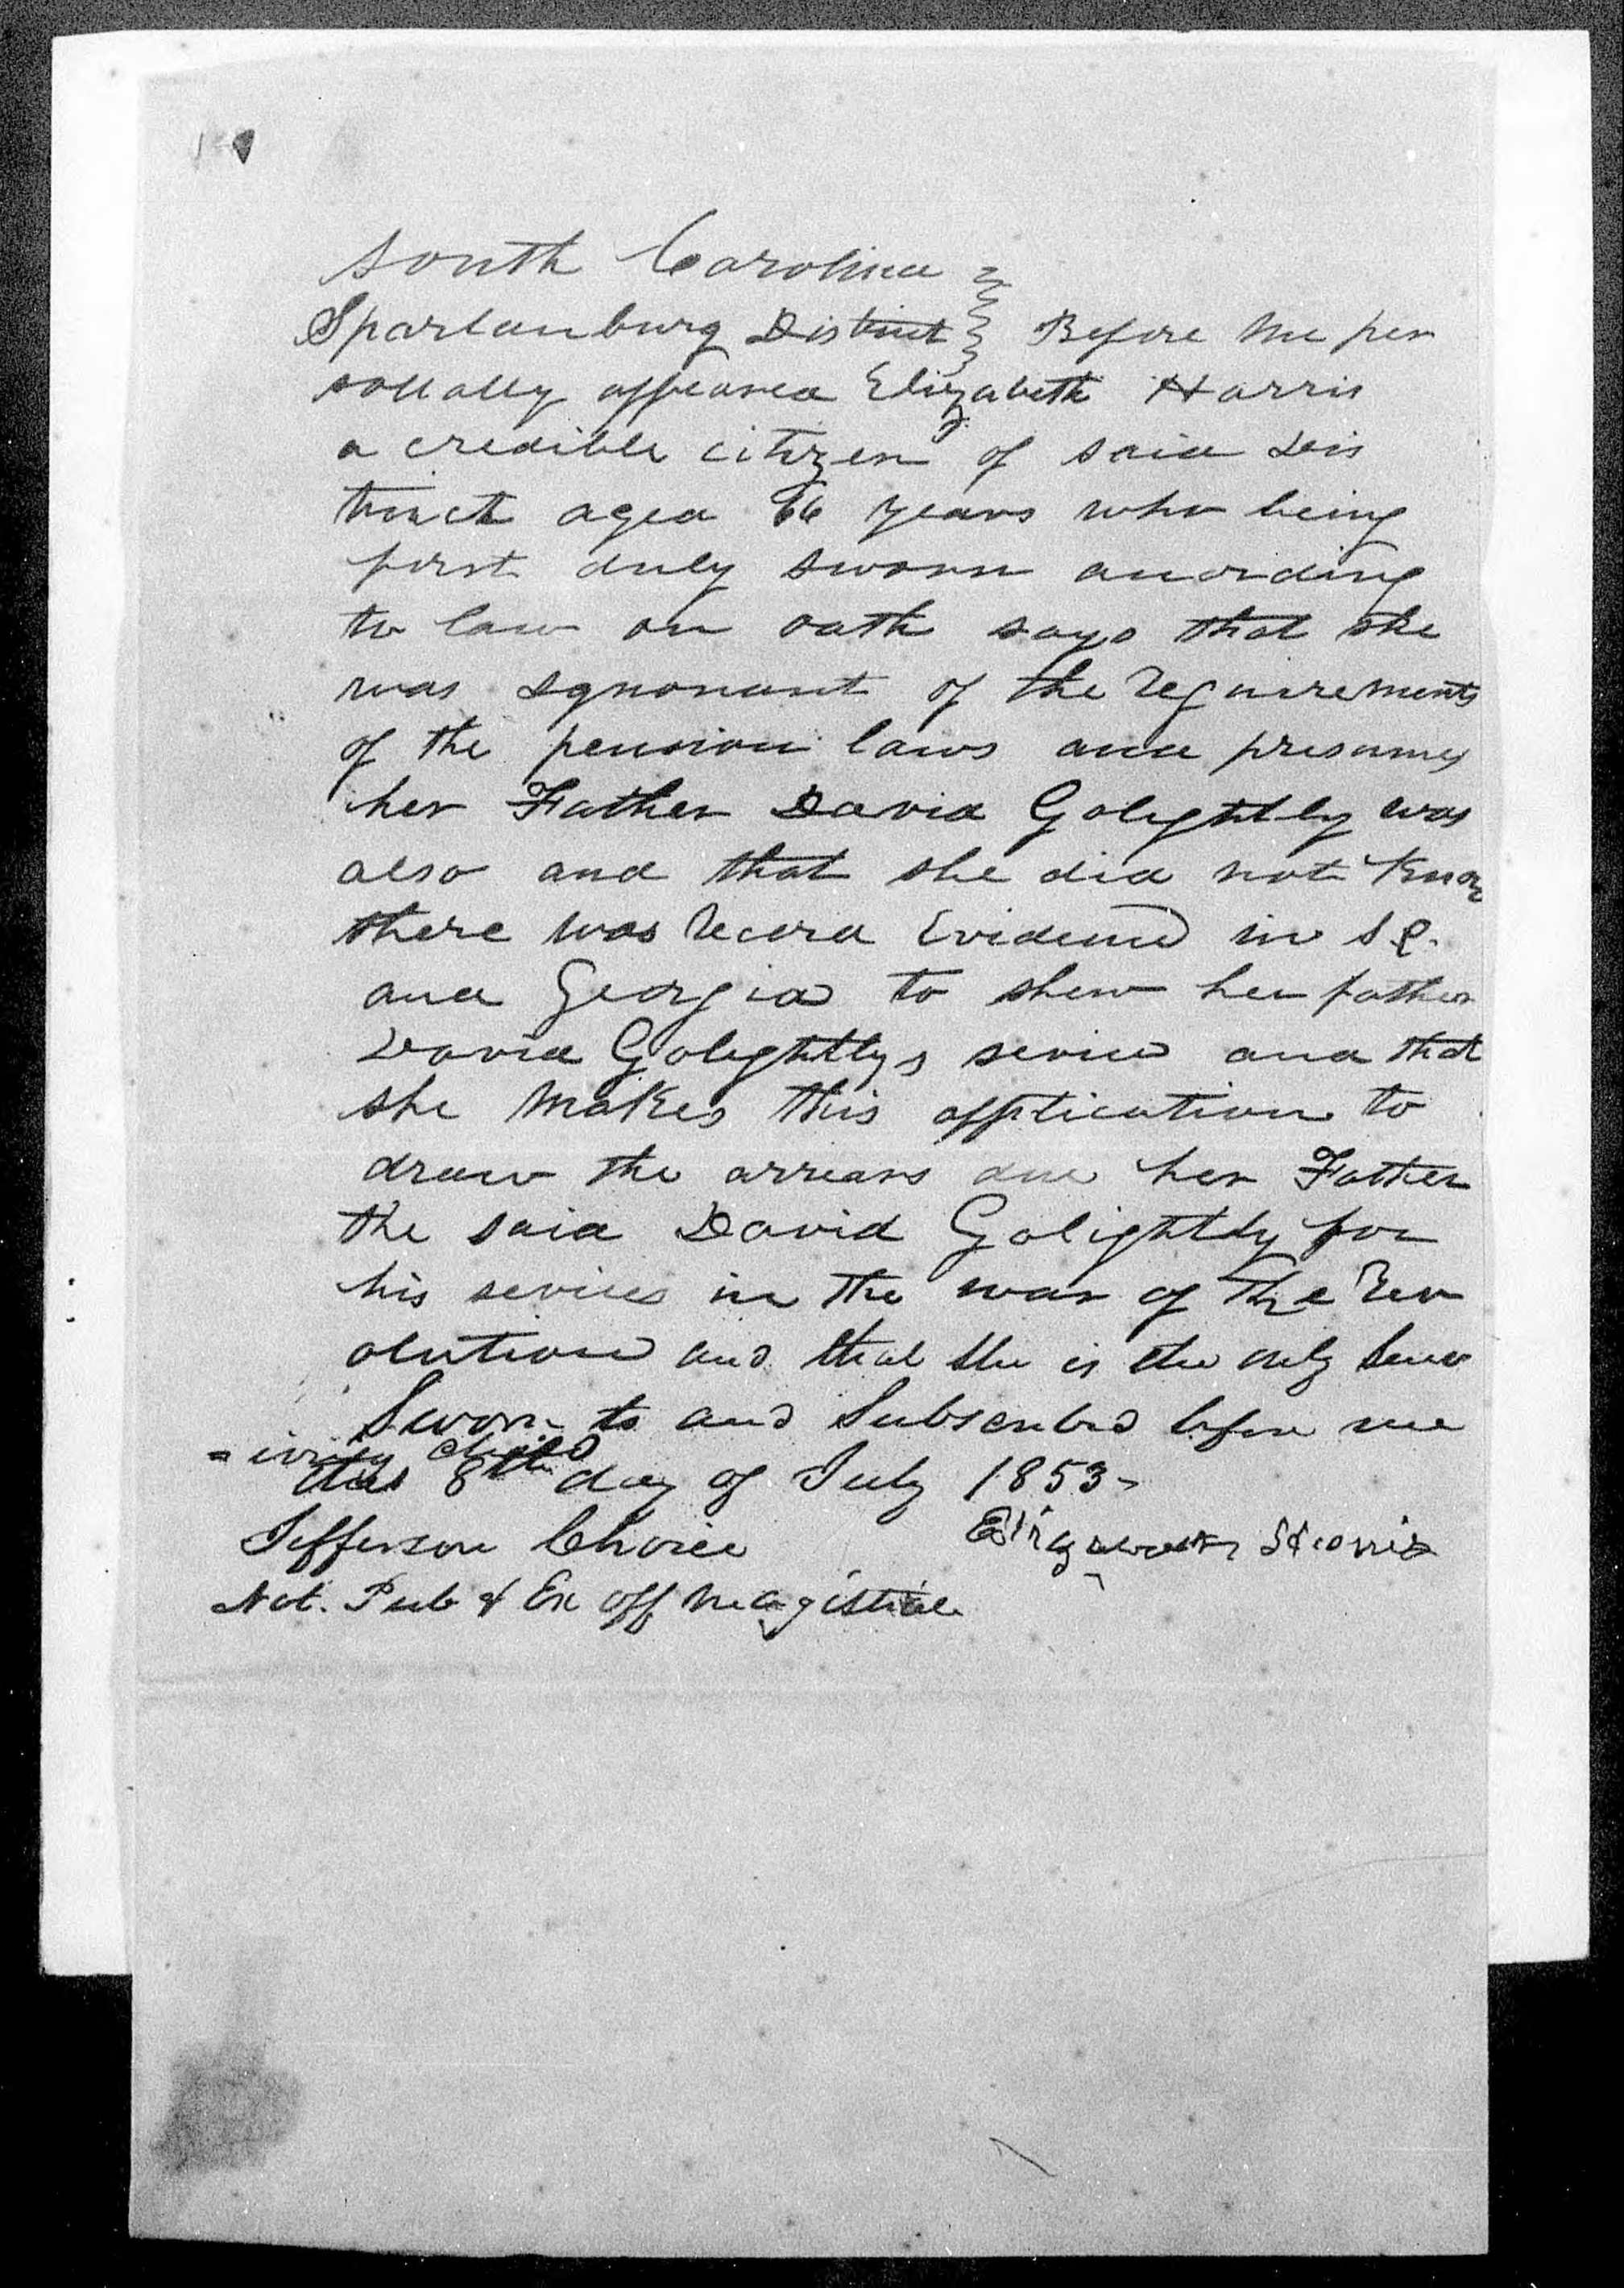South Carolina
Spartanburg District

   Before me personally appeared Elizabeth Harris a credible citizen of said District aged 66 years who being first duly sworn according to law on oath says that she was ignorant of the requirements of the pension laws and presumed her father David Golightly was also and that she did not know there was record evidence in S.C. and Georgia to show her father David Golightly served and that she makes this application to draw the arrears due her Father the said David Golightly for his service in the War of the Revolution and that she is the only [illegible].

   Sworn to and subscribed before me this 8th day of July 1853.
    Elizabeth Harris
Jefferson Choice
Not. Pub & Ex Off Magistrate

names: David Golightly, David Golightly, Elizabeth Harris, David Golightly, Elizabeth Harris, Jefferson Choice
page: 56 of 57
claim: survivor's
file: S. 18888, David Golightly, S.C.